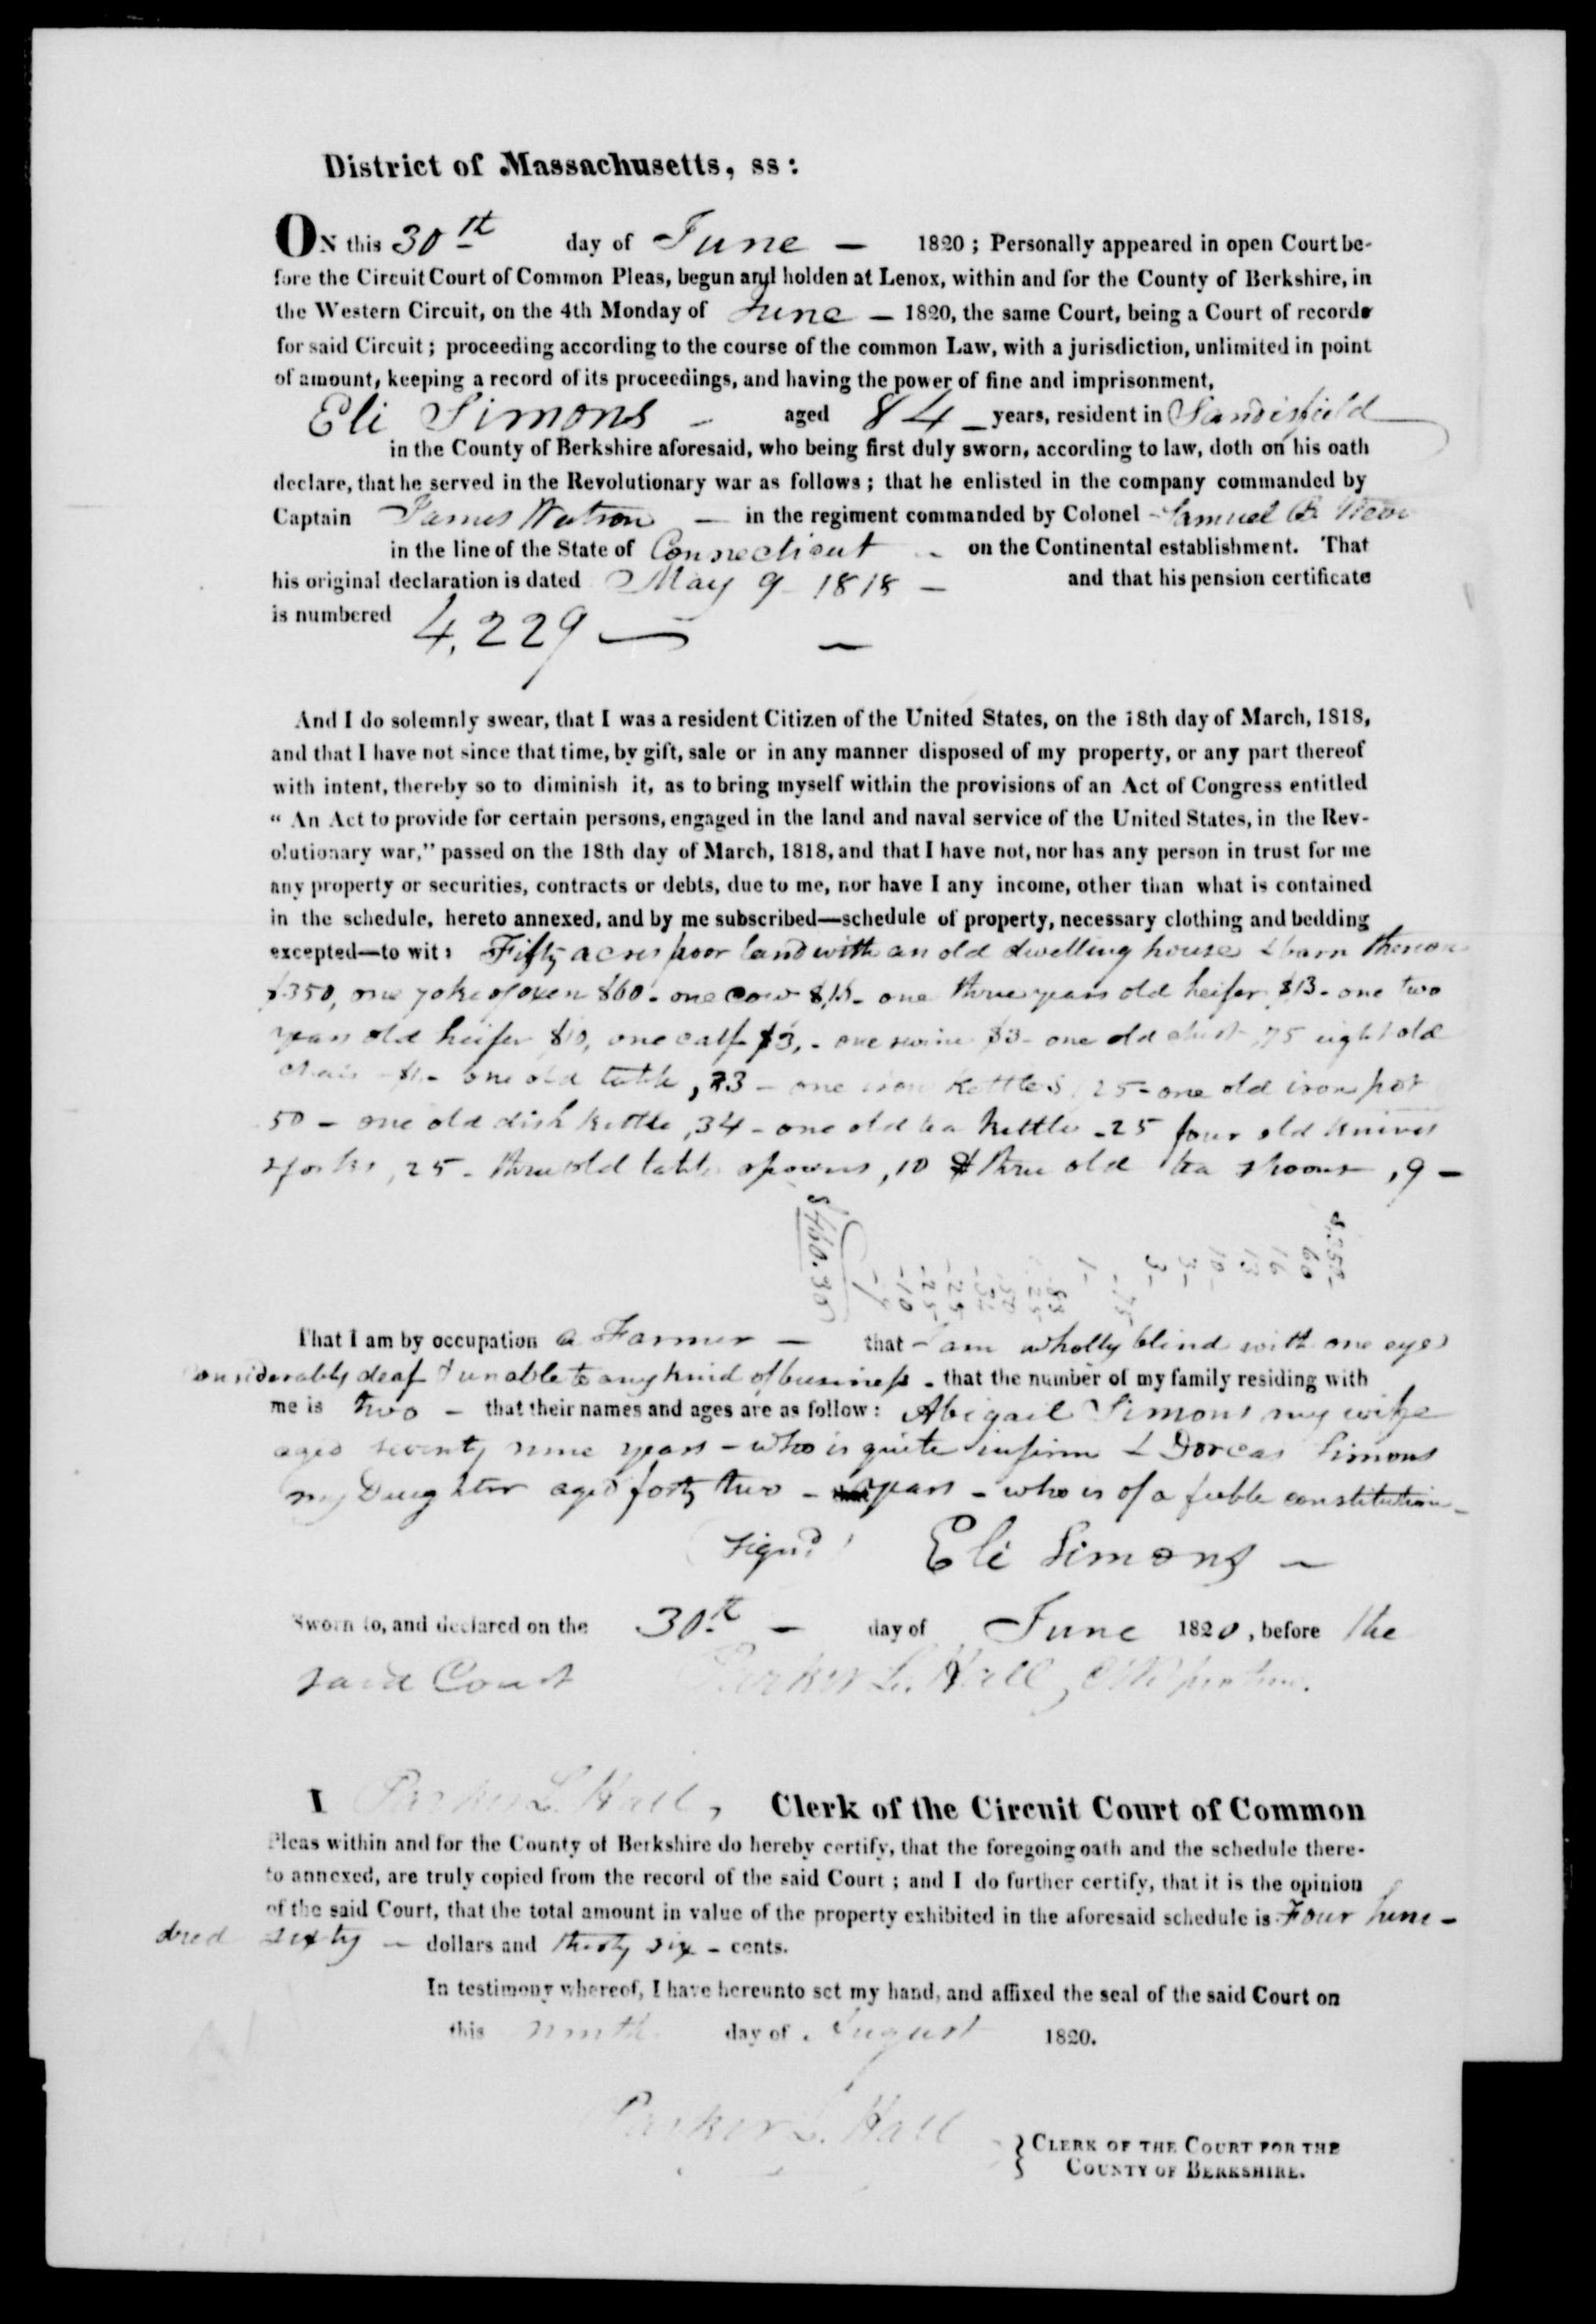District of Massachusetts, ss:
On this 30th day of June 1820; Personally appeared in open Court before the Circuit Court of Common Pleas, begun and holden at Lenox, within and for the County of Berkshire, in the Western Circuit; proceeding according to the course of the common Law, with a jurisdiction, unlimited in point of amount, keeping a record of its proceedings, and having the power of fine and imprisonment, Eli Simons aged 84 years, resident in Sandisfield in the County of Berkshire aforesaid, who being first duly sworn, according to law, doth on his oath declare, that he served in the Revolutionary war as follows; that he enlisted in the company commanded by Captain James Watson - in the regiment commanded by Colonel Samuel B. Webb in the line of the State of Connecticut on the Continental establishment. That his original declaration is dated May 9 1818 and that his pension certificate is numbered 4,229
And I do solemnly swear, that I was a resident Citizen of the United States, on the 18th day of March, 1818, and that I have not since that time, by gift, sale or in any manner disposed of my property, or any part thereof with intent, thereby so to diminish it, as to bring myself within the provisions of an Act of Congress entitled "An Act to provide for certain persons, engaged in the land and naval service of the United States, in the Revolutionary war," passed on the 18th day of March, 1818, and that I have not, nor has any person in trust for me any property or securities, contracts or debts, due to me, nor have I any income, other than what is contained in the schedule, hereto annexed, and by me subscribed - schedule of property, necessary clothing and bedding excepted - to wit: Fifty acres poor land with an old dwelling house & barn thereon $350, one yoke of oxen $60. one cow $16. one three years old heifer $13. one two years old heifer $10, one calf $3, one swine $3 - one old chest .75 eight old chairs $1 - one old table, .83 - one iron kettle $1.25 - one old iron pot 50 - one old dish kettle .34 - one old tea kettle .25 four old knives & forks, 25 - three old table [illegible], 10 & three old tea [illegible] .9
$350
60
16
13
10 -
3 -
3 -
-75
1 -
-83
1.25
-50
-34
-25
-25
-10
-9
$460.36 

That I am by occupation a Farmer that I am wholly blind with one eye considerably deaf & unable to any kind of business - that the number of my family residing with me is two - that their names and ages are as follow: Abigail Simons my wife aged seventy nine years - who is quite infirm & Dorcas Simons my Daughter aged 42 years - who is of a feeble constitution -
Signed Eli Simons
Sworn to, and declared on the 30th day of June 1820, before the said Court Parker L. Hall, Clk pro tem.

I Parker L. Hall, Clerk of the Circuit Court of Common Pleas within and for the County of Berkshire do hereby certify, that the foregoing oath and the schedule thereto annexed, are truly copied from the record of the said Court; and I do further certify, that it is the opinion of the said Court, that the total amount in value of the property exhibited in the aforesaid schedule is Four Hundred sixty dollars and thirty six cents.
In testimony whereof, I have hereunto set my hand, and affixed the seal of the said Court on this ninth day of August 1820.
Parker L. Hall} Clerk of the Court for the County of Berkshire.

[seal affixed at left]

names: Dorcas Simons; Perker L Hall; Perker L Hall; Eli Simons; Perker L Hall; Abigail Simons; Eli Simons; James Watson; Samuel B Webb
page: 6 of 20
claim: survivor's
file: S 33668, for Eli Simons, Connecticut